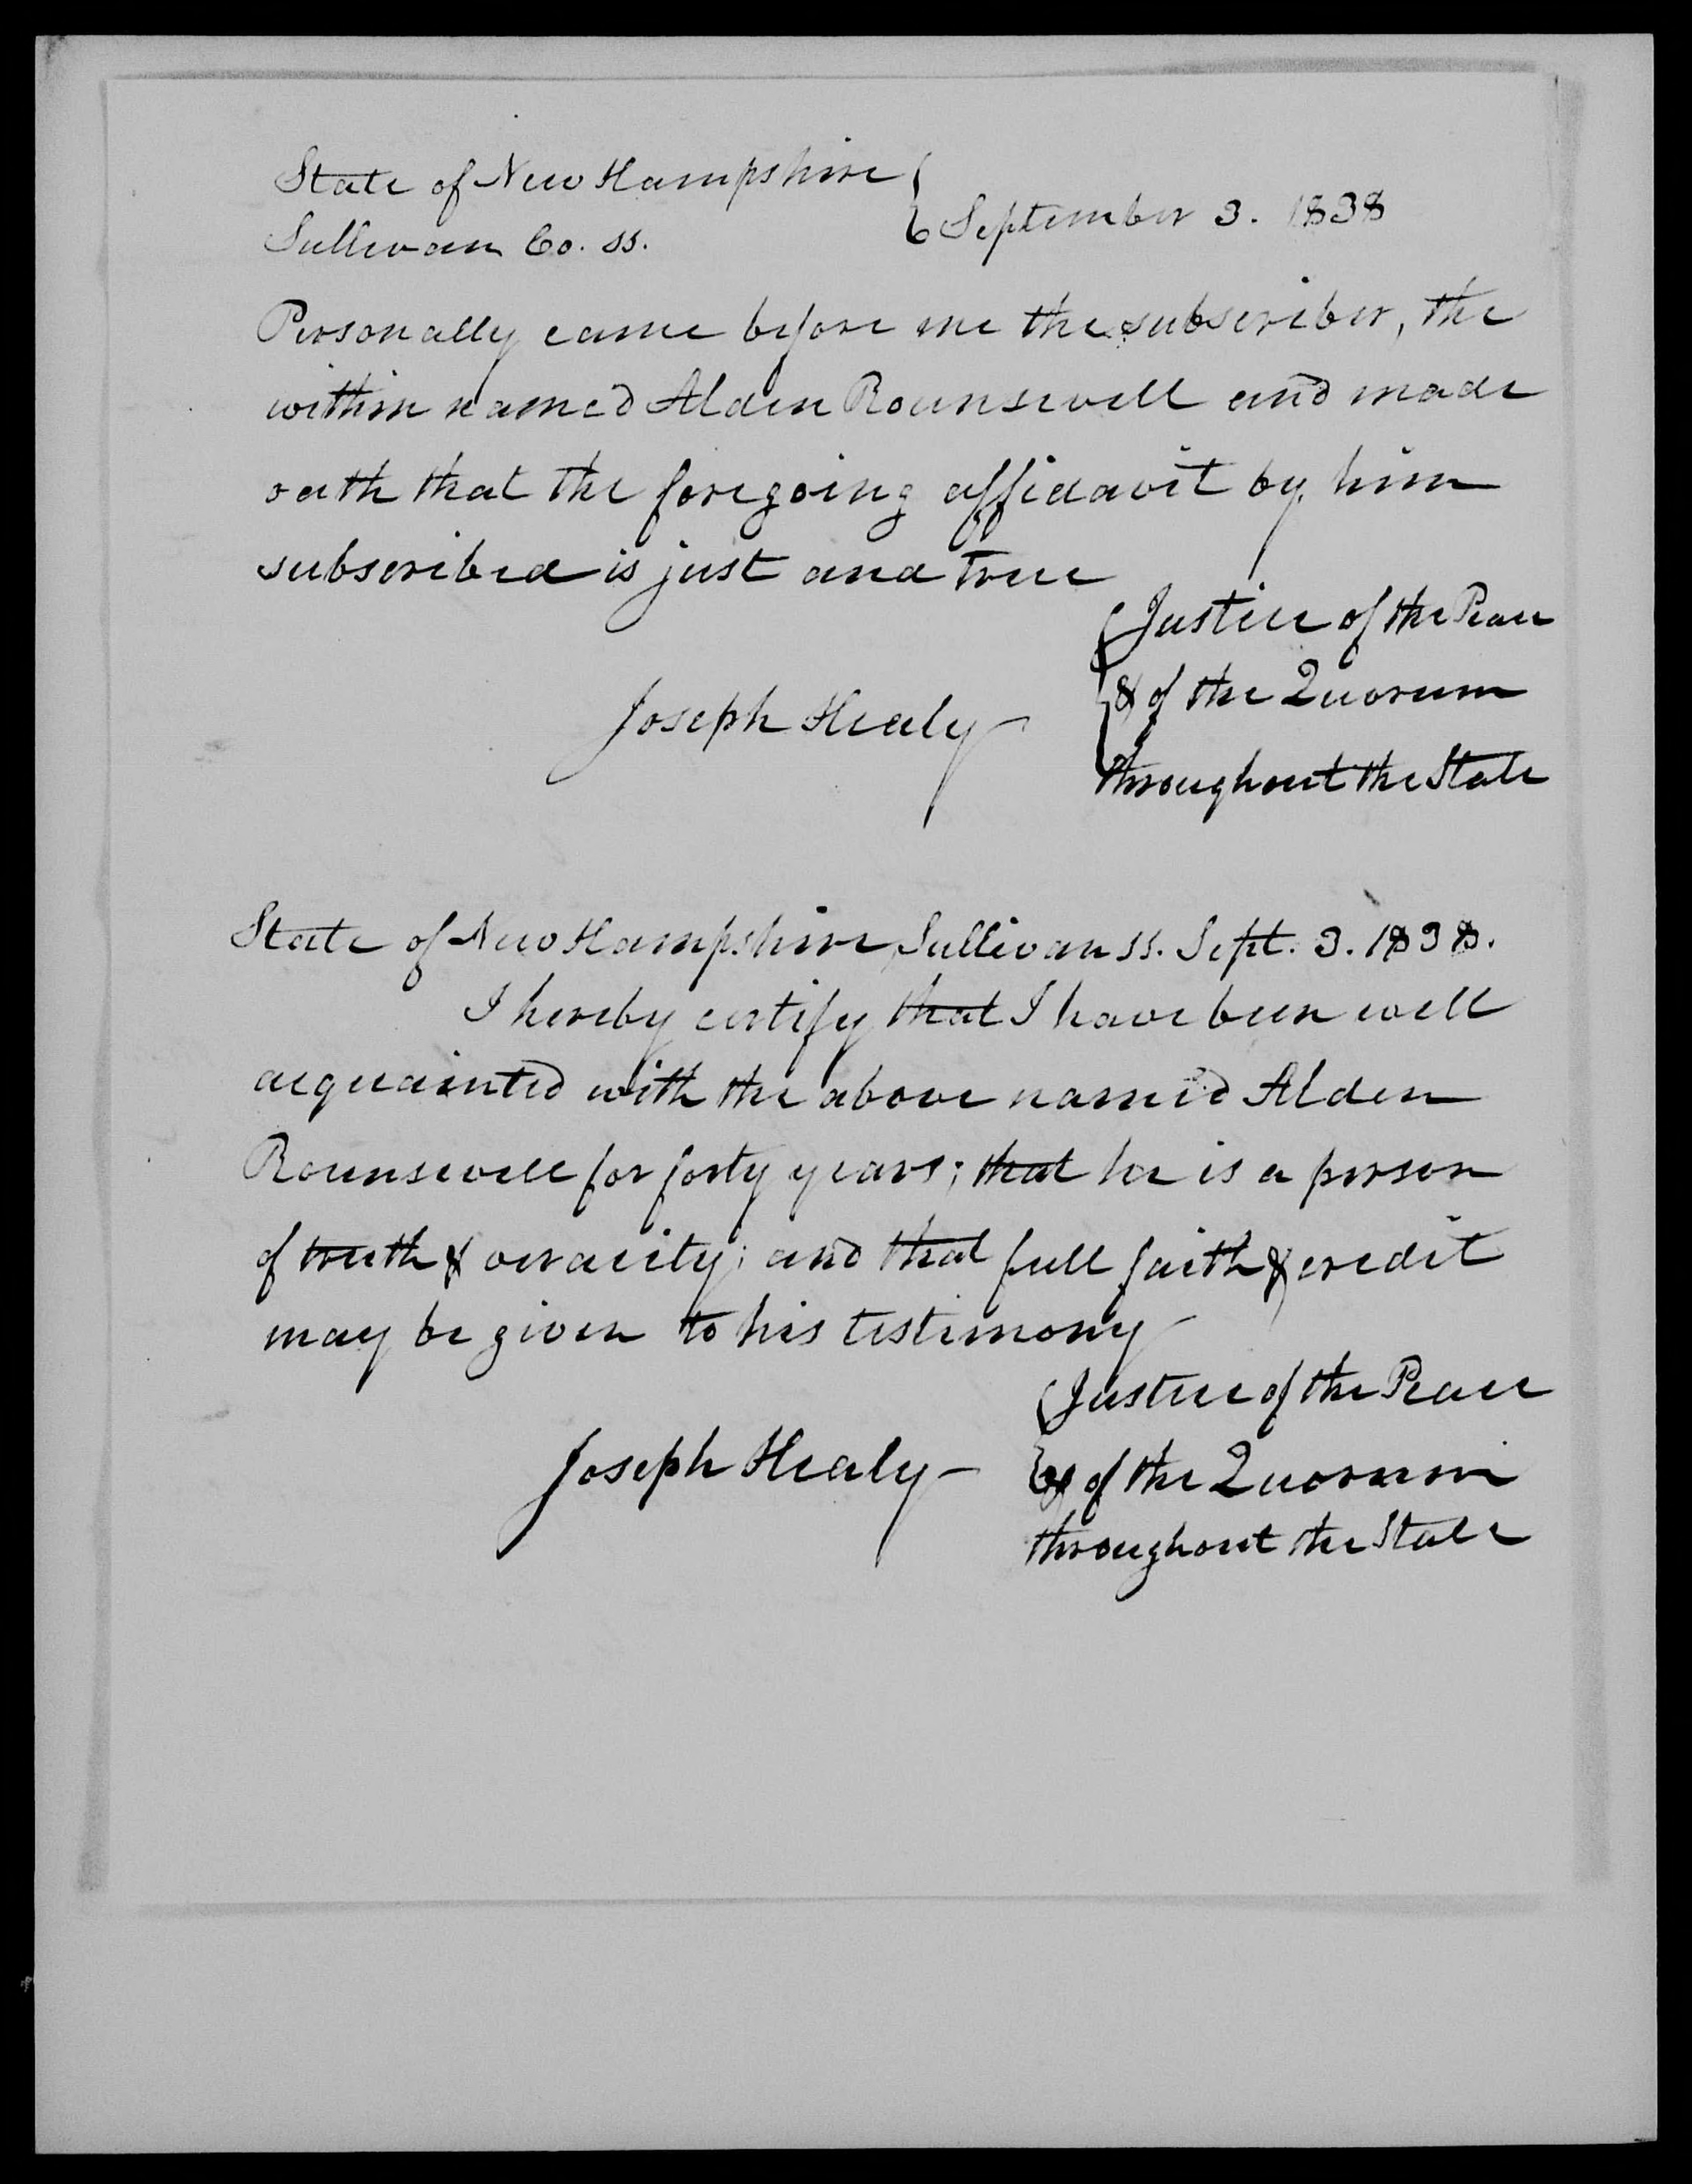State of New Hampshire
Sullivan Co. ss.  September 3, 1838

Personally came before me the subscriber, the within named Alden Roundwell and made oath that the foregoing affidavit by him subscribed is just and true.
Joseph Healy 
Justice of the Peace & of the Quorum throughout the State

State of New Hampshire Sullivan ss
Sept. 3 1838
I hereby certify that I have been well acquainted with the above named Alden Rounswell for forty years; that he is a person of truth & veracity; and that full faith & credit may be given to his testimony
Joseph Healy
Justice of the Peace & of the Quorum throughout the State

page: 33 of 41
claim: widow's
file: W 26507, for Church Tabor, Massachusetts